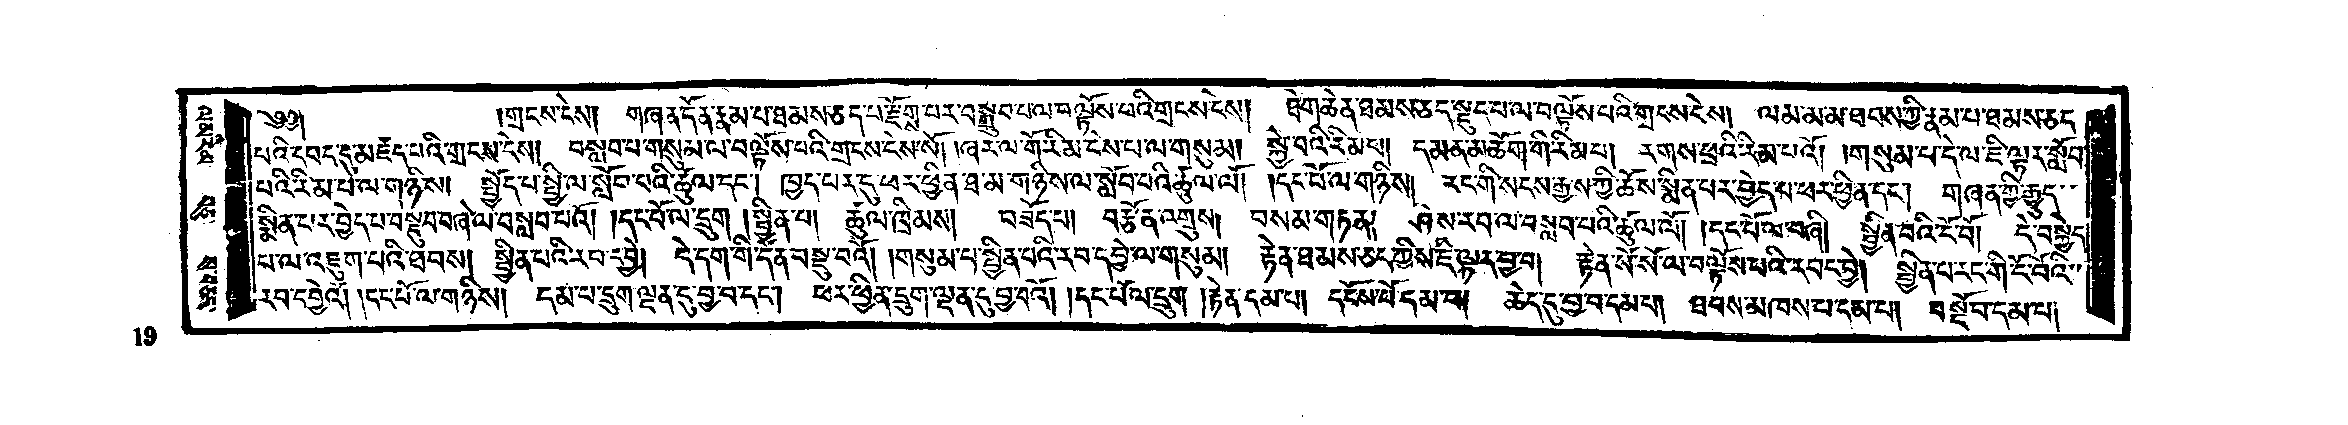༄༅། །གྲངས་ངེས། གཞན་དོན་རྣམ་པ་ཐམས་ཅད་པ་རྫོགས་པར་བསྒྲུབ་པ་ལ་བལྟོས་པའི་གྲངས་ངེས། ཐེག་ཆེན་ཐམས་ཅད་སྡུད་པ་ལ་བལྟོས་པའི་གྲངས་ངེས། ལམ་མ་མ་ཐབས་ཀྱི་རྣམ་པ་ཐམས་ཅད་པའི་
དབང་དུ་མཇོད་པའི་གྲངས་ངེས། བསླབ་པ་གསུམ་ལ་བལྟོས་པའི་གྲངས་ངེས་སོ། །ཞ་ར་ལ་གོ་རིམ་ངེས་པ་ལ་གསུམ། སྐྱེ་བའི་རིམ་པ། དམན་མཆོག་གི་རིམ་པ། རགས་ཕྲའི་རིམ་པའོ། །གསུམ་པ་དེ་ལ་ཇི་ལྟར་སློབ་
པའི་རིམ་པ་ལ་གཉིས། སྤྱོད་པ་སྤྱི་ལ་སློབ་པའི་ཚུལ་དང་། ཁྱད་པར་དུ་ཕར་ཕྱིན་ཐ་མ་གཉིས་ལ་སློབ་པའི་ཚུལ་ལོ། །དང་པོ་ལ་གཉིས། རང་གི་སངས་རྒྱས་ཀྱི་ཆོས་སྨིན་པར་བྱེད་པ་ཕར་ཕྱིན་དང་། གཞན་གྱི་རྒྱུད་
སྨིན་པར་བྱེད་པ་བསྡུ་བ་བཞི་ལ་བསླབ་པའོ། །དང་པོ་ལ་དྲུག །སྦྱིན་པ། ཚུལ་ཁྲིམས། བཟོད་པ། བརྩོན་འགྲུས། བསམ་གཏན། ཤེས་རབ་ལ་བསླབ་པའི་ཚུལ་ལོ། །དང་པོ་ལ་བཞི། སྤྱིན་པའི་ངོ་པོ། དེ་བསྐྱེད་
པ་ལ་འཇུག་པའི་ཐབས། སྦྱིན་པའི་རབ་དབྱེ། དེ་དག་གི་དོན་བསྡུ་བའོ། །གསུམ་པ་སྦྱིན་པའི་རབ་དབྱེ་ལ་གསུམ། རྟེན་ཐམས་ཅད་ཀྱིས་ཇི་ལྟར་བྱ་བ། རྟེན་སོ་སོ་ལ་བལྟོས་པའི་རབ་དབྱེ། སྦྱིན་པ་རང་གི་ངོ་བོའི་
རབ་དབྱེའོ། །དང་པོ་ལ་གཉིས། དམ་པ་དྲུག་ལྡན་དུ་བྱ་བ་དང་། ཕར་ཕྱིན་དྲུག་ལྡན་དུ་བྱ་བའོ། །དང་པོ་ལ་དྲུག །རྟེན་དམ་པ། དངོས་པོ་དམ་པ། ཆེད་དུ་བྱ་བ་དམ་པ། ཐབས་མཁས་པ་དམ་པ། བསྔོ་བ་དམ་པ།